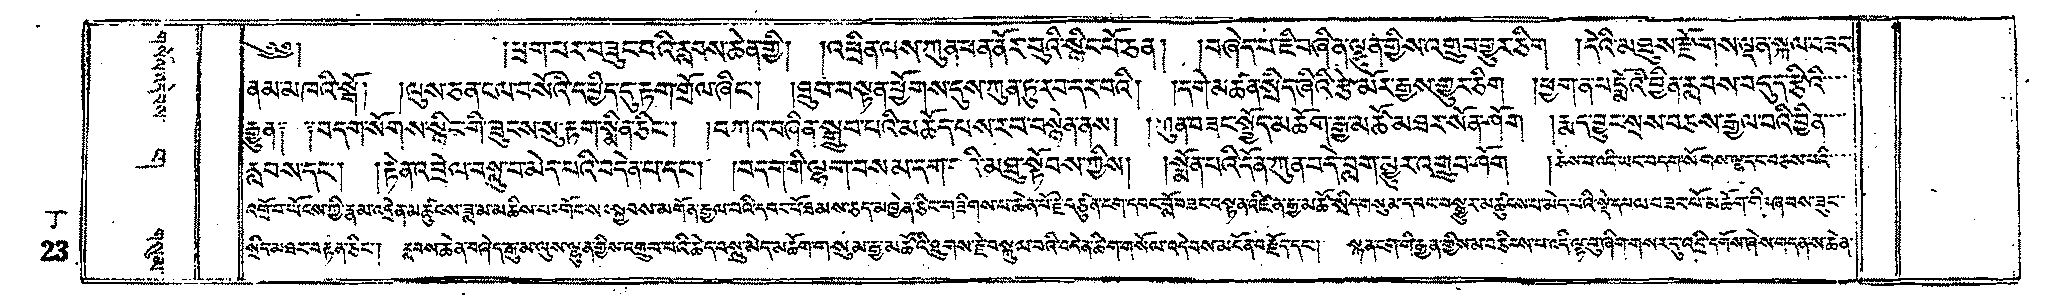༄༅། །ཕྲག་པར་བཟུང་བའི་རླབས་ཆེན་གྱི། །འཕྲིན་ལས་ཀུན་ཕན་ནོར་བུའི་སྙིང་པོ་ཅན། །བཞེད་པ་ཇི་བཞིན་ལྷུན་གྱིས་འགྲུབ་གྱུར་ཅིག །དེའི་མཐུས་རྫོགས་ལྡན་སྐལ་བཟང་
ནམ་མཁའི་སྒོ། །ལུས་ཅན་ངལ་བསོའི་དཔྱིད་དུ་རྟག་གྲོལ་ཞིང་། །ཐུབ་བསྟན་ཕྱོགས་དུས་ཀུན་ཏུ་རབ་དར་བའི། །དགེ་མཚན་སྲིད་ཞིའི་རྩེ་མོར་རྒྱས་གྱུར་ཅིག །ཕྱག་ན་པདམོའི་བྱིན་རླབས་བདུད་རྩིའི་་་
རྒྱུན༑ ༑བདག་སོགས་སྙིང་གི་ཟུངས་སུ་རྟག་སྨིན་ཅིང་། །བཀའ་བཞིན་སྒྲུབ་པའི་མཆོད་པས་རབ་བསྙེན་ནས། །ཀུན་བཟང་སྤྱོད་མཆོག་རྒྱ་མཚོ་མཐར་སོན་ཤོག །རྨད་བྱུང་སྲས་བཅས་རྒྱལ་བའི་བྱིན་་་
རླབས་དང་། །རྟེན་འབྲེལ་བསླུ་བ་མེད་པའི་བདེན་པ་དང་། །བདག་གི་ལྷག་བསམ་དག་པའི་མཐུ་སྟོབས་ཀྱིས། །སྨོན་པའི་དོན་ཀུན་བདེ་བླག་མྱུར་འགྲུབ་ཤོག །ཅེས་པ་འདི་ཡང་བདག་སོགས་ལྷ་དང་བཅས་པའི་་་
འགྲོ་བ་ཡོངས་ཀྱི་རྣམ་འདྲེན་མཚུངས་ཟླ་མ་མཆིས་པ ༧་གོངས་ས ༧་སྐྱབས་མགོན་རྒྱལ་བའི་དབང་པོ་ཐམས་ཅད་མཁྱེན་ཅིང་གཟིགས་པ་ཆེན་པོ་རྗེ་བཙུན་ངག་དབང་བློ་བཟང་བསྟན་འཛིན་རྒྱ་མཚོ་སྲིད་གསུམ་དབང་བསྒྱུར་མཚུངས་པ་མེད་པའི་སྡེ་དཔལ་བཟང་པོ་མཆོག་གི ༧་ཞབས་ཟུང་་་
སྲིད་མཐར་བརྟན་ཅིང་། རླབས་ཆེན་བཞེད་རྒུ་མ་ལུས་ལྷུན་གྱིས་འགྲུབ་པའི་ཆེད་བསླུ་མེད་མཆོག་གསུམ་རྒྱ་མཚོའི་ཐུགས་རྗེ་བསྐུལ་བའི་བདེན་ཚིག་གསོལ་འདེབས་མངོན་བརྗོད་དང་། སྙན་ངག་གི་རྒྱན་གྱིས་མ་བཅིངས་པ་འདི་ལྟ་བུ་ཞིག་གསར་དུ་འདྲི་དགོས་ཞེས་གདན་ས་ཆེན་